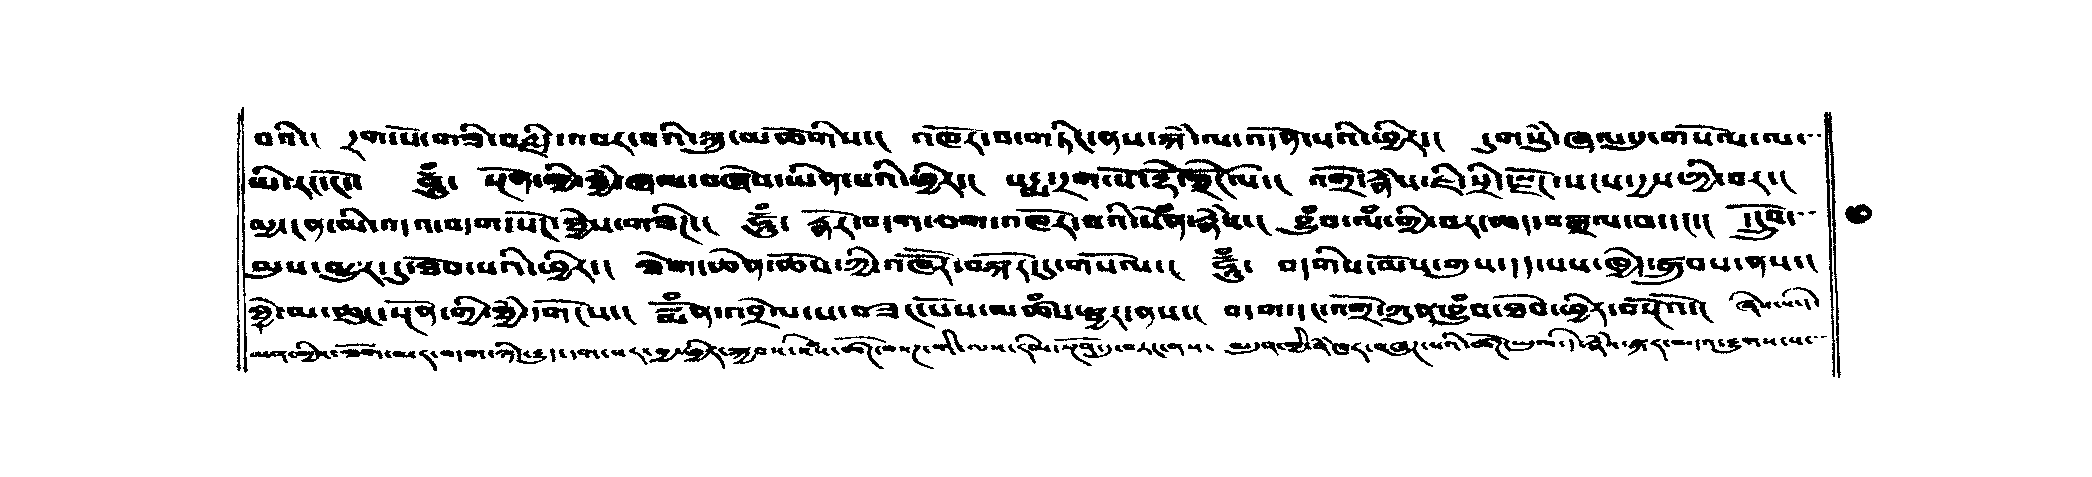བའི། །དྲག་པོ་གཟི་བརྗིད་འབར་བའི་སྐུ་མཆོག་གིས། །འཁོར་བ་གཏིང་ནས་སྐམ་ལ་འདོན་པའི་ཕྱིར། །དུག་གསུམ་ཞལ་དུ་གསོལ་ལ་
ཡི་རང་ངོ་། །ཧཱུྃ། སྔོན་གྱི་ཐུགས་དམ་ཞལ་བཞེས་ཡིན་པའི་ཕྱིར། །པདྨ་དྲག་པོ་རྡོ་རྗེ་དྲག་པོ་རྩལ། །འགྲོ་རྣམས་ཇི་སྲིད་རྫོགས་སངས་རྒྱས་ཀྱི་བར། །
མྱ་ངན་མི་འདའ་བདག་སོགས་ཐུགས་རྗེས་གཟིགས། །ཧཱུྃ། རྣལ་འབྱོར་བདག་ཅག་འཁོར་བའི་སེམས་ཅན་རྣམས། །བྱང་ཆུབ་ལམ་གྱི་བར་ཆད་བསྒྲལ་བ་དང་། །དངོས་གྲུབ་
མ་ལུས་མྱུར་དུ་ཐོབ་པའི་ཕྱིར། །ཐེག་ཆེན་ཆོས་ཀྱི་འཁོར་ལོ་བསྐོར་དུ་གསོལ། །ཧཱུྃ། བདག་གིས་མོས་གུས་དད་པས་ཁྱེད་སྒྲུབས་ནས། །
ཐུགས་རྗེ་མ་ཆུང་སྔོན་གྱི་ཐུགས་དམ་དགོངས། །སྨོན་ལམ་འབྲེལ་བ་བཟང་པོས་མཚམས་སྦྱར་ནས། བདག་དང་འགྲོ་ཀུན་བྱང་ཆུབ་ཐོབ་ཕྱིར་བསྔོའོ། ཞེས་པ་དེ་
ཡན་གྱིས་ཐོག་མར་བདག་ཉིད་རྒྱུད་དག་པར་བྱ་ཕྱིར་སྐྱབས་སེམས་ཚོགས་བསགས་ཀྱི་ལས་རིམ་སྔོན་དུ་བཏང་ནས། མདུན་གྱི་ནམ་མཁར་བཞུགས་པའི་ཚོགས་ཡུལ་དེ་རྣམས་སྐར་མདའ་རྒྱུགས་པ་